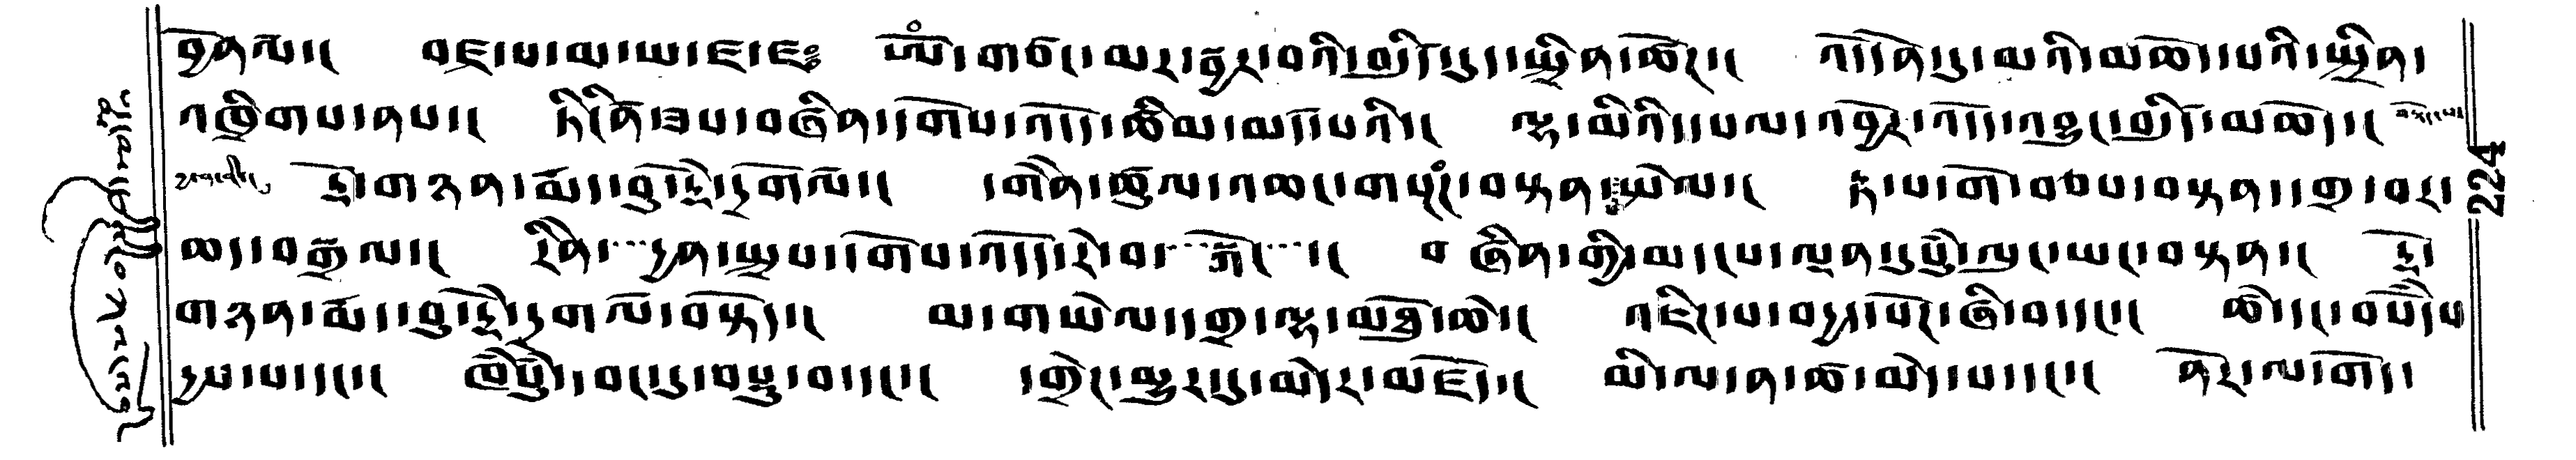བྱོན་འཚལ། །བཛྲ་ས་མ་ཡ་ཛ་ཛཿ ཨོཾ། གཙང་མར་སྦྱར་བའི་བདུད་རྩིའི་དུད་སྤྲིན་ཚོགས། །འདོད་ཡོན་དུ་མའི་མཆོད་པའི་སྤྲིན་
འཁྲིགས་ནས། །ཏིང་འཛིན་ཟས་བཞིན་དགོས་འདོད་ཚིམ་མཛད་པའི། །ལྷ་མིའི་དཔལ་འབྱོར་འདོད་འབྱུང་བདུད་རྩིས་མཆོད། ། བསྟོད་པ་
བྱ་བ་ནི། རྡོ་གཉན་རྨད་བུ་རྡོ་རྗེ་དྲག་པོ་འཚལ། །དགེ་བསྙེན་ཚུལ་འཆང་གསང་སྔགས་བསྟན་པ་སྤེལ། །རྟ་པ་གོ་བཅས་བསྟན་དགྲ་བར་
ཆད་སྒྲོལ། །རིན་ཆེན་རྒྱན་སྤྲས་དགོས་འདོད་རེ་བ་སྐོང་། །བཞིན་གྱི་མདངས་ལྡན་དུས་སུམ་ལུང་ཡང་སྟོན། །རྡོ་
གཉན་རྨད་བུ་རྡོ་རྗེ་དྲག་རྩལ་བསྟོད། །མ་གཡེལ་དགྲ་ལྷ་མཐུ་བོ་ཆེ། །འཇིགས་པ་བརྒྱད་སོགས་ཞི་བ་དང་། །ཚེ་དང་བསོད་ནམས་
རྒྱས་པ་དང་། །ཁམས་གསུམ་དབང་དུ་བསྡུ་བ་དང་། །དགྲ་བགེགས་མྱུར་དུ་མེད་པར་མཛོད། །མི་ལ་ན་ཚ་མེད་པ་དང་། །ནོར་ལ་གོད་